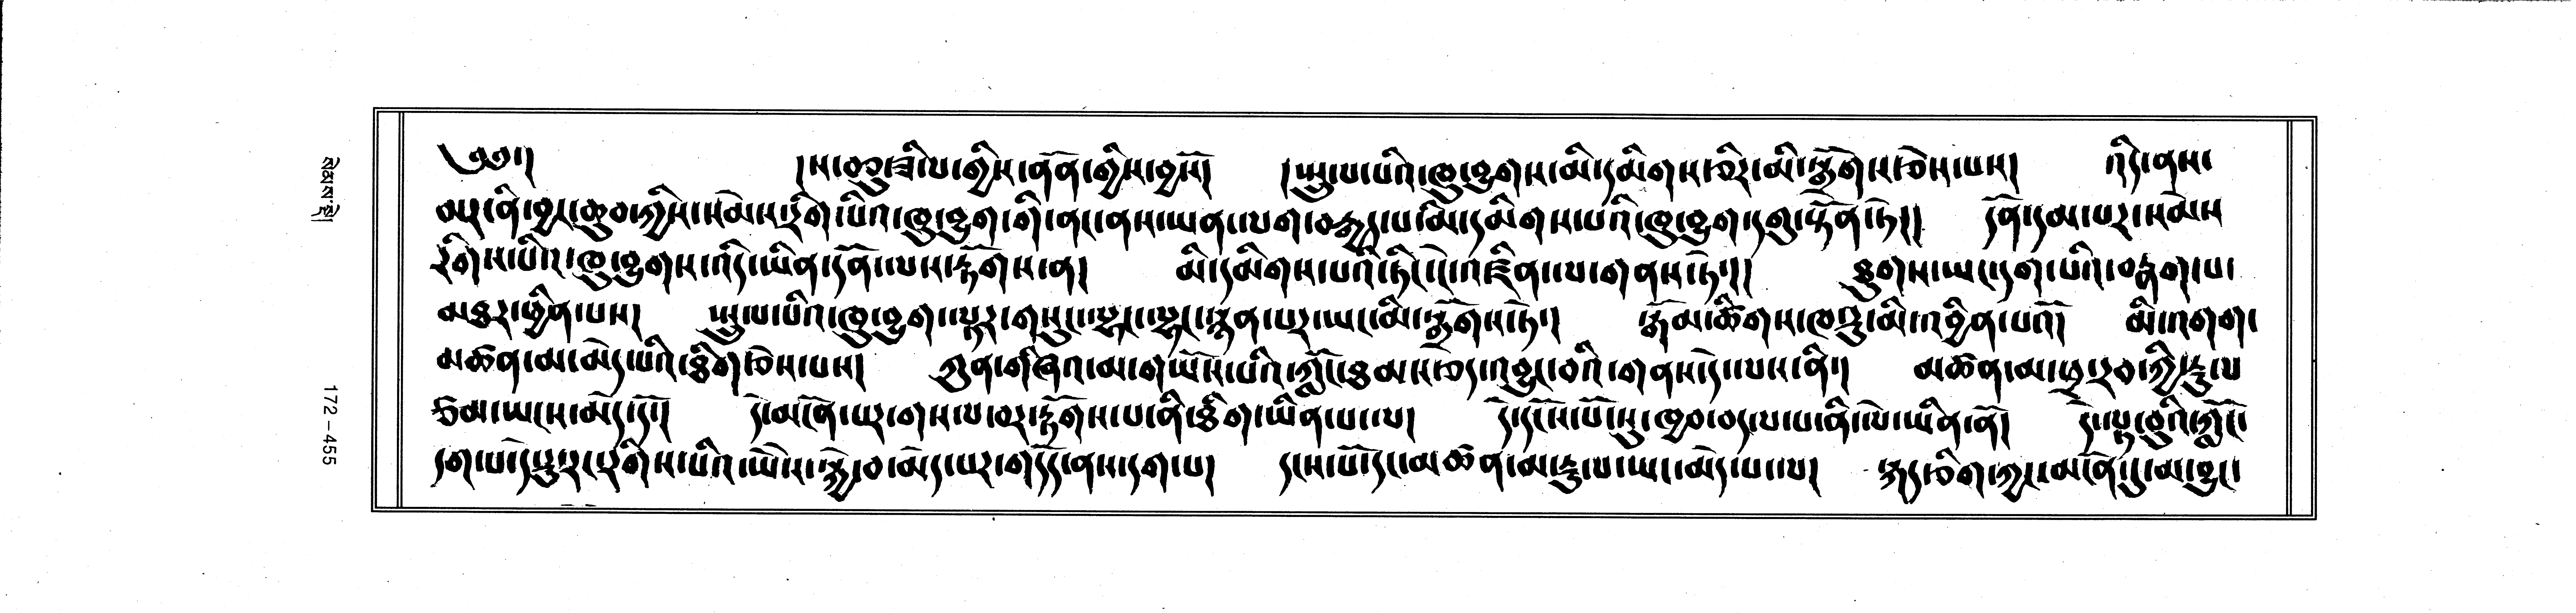ས་བཅུ་ཟིལ་གྱིས་ནོན་གྱིས་བྱས་སོ། སྤྲུལ་པའི་ཁུ་བྱུག་མི་དམིགས་ཅིར་མི་སྒྲོགས་ཅེས་པས། འདི་ནས་
མར་ནི་བྱང་ཆུབ་ཀྱིས་སེམས་རིག་པའི་ཁུ་བྱུག་ནི་ནང་ནས་ཡན་ལག་བརྒྱད་པ་མི་དམིགས་པའི་ཁུ་བྱུག་དགུ་སྟོན་ཏེ། དོན་དམ་པར་སེམས་
རིག་པའི་ཁུ་བྱུག་འདི་ཡིན་དོན་ལས་རྟོགས་ན། མི་དམིགས་པའི་ཏིང་ངེ་འཛིན་ལ་གནས་ཏེ། ཐུགས་ཡང་དག་པའི་བརྣག་པ་
མཐར་ཕྱིན་པས། སྤྲུལ་པའི་ཁུ་བྱུག་ལྟར་གསུང་ལྷང་ལྷང་སྙན་པར་ཡང་མི་སྒྲོགས་ཏེ། སྒོམ་ཚིག་ཁ་རུ་མི་འབྱིན་པའོ། མི་འགག་
མཚན་མ་མེད་པའི་ཐིག་ཅེས་པས། ཀུན་གཞིའ་མ་གཡོས་པའི་ཀློང་ཐམས་ཅད་འབྱུང་བའི་གནས་དེ་ལས་ནི། མཚན་མ་ཕྲ་རབ་ཀྱི་རྡུལ་
ཙམ་ཡང་མེད་དོ། དེ་མངོན་པར་གསལ་བར་རྟོགས་པ་ནི་ཐིག་ཡིན་པ་ལ། དེ་དངོས་པོ་སུ་ཁྱབ་བདལ་པ་ནི་ལེ་ཡིན་ནོ། དེ་ལྟ་བུའི་ཀློང་
དག་པ་དེ་རུ་རང་རིག་པའི་ཡེ་ཤེས་སྐྱེ་བ་མེད་པར་གདོད་ནས་དག་པ། དངོས་པོ་དང་མཚན་མ་རྡུལ་ཡང་མེད་པ་ལ། སྐད་ཅིག་ཀྱང་མངོན་དུ་མ་བྱུང་པ།